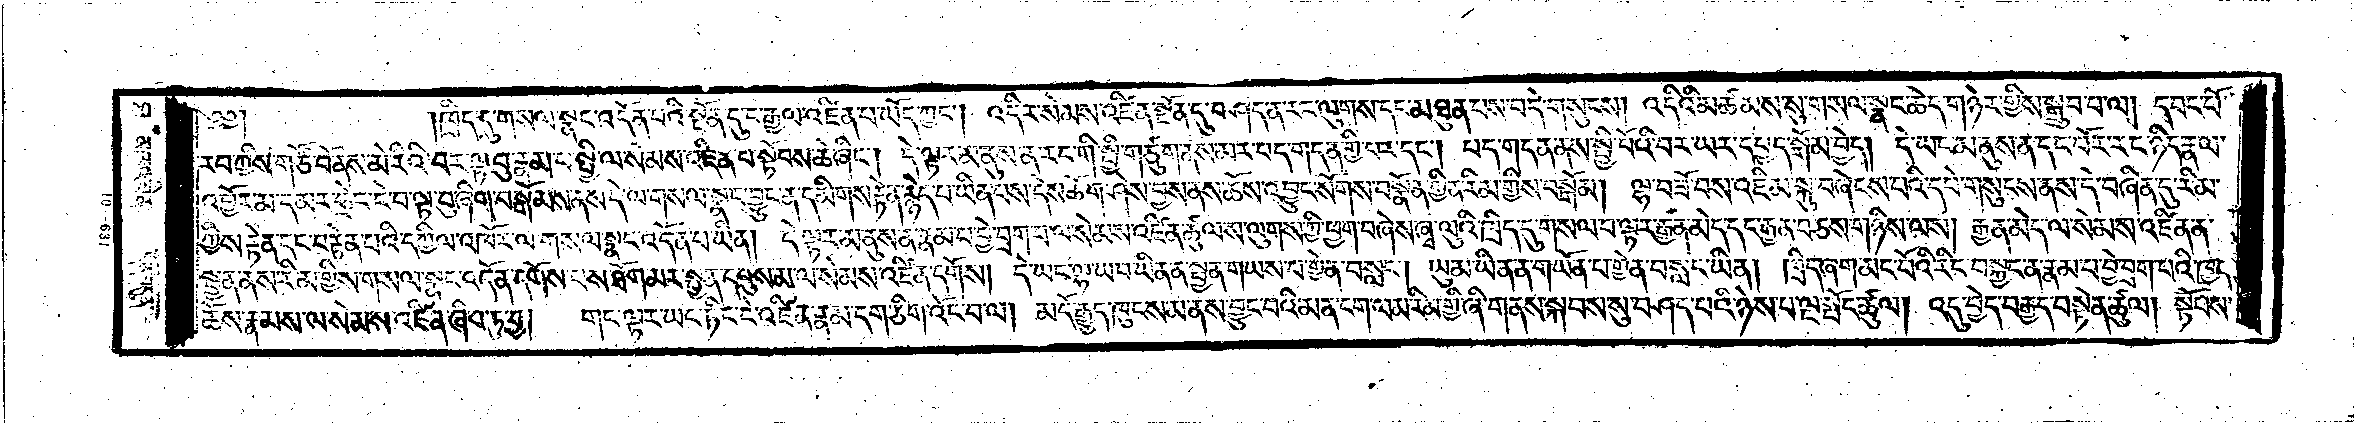༄༅། །ཁྲིད་དུ་གསལ་སྣང་འདོན་པའི་སྔོན་དུ་ང་རྒྱལ་འཛིན་པ་ཡོད་ཀྱང་། འདིར་སེམས་འཛིན་སྔོན་དུ་བཤད་ན་རང་ལུགས་དང་མཐུན་པས་བདེ་གསུངས། འདིའི་མཚམས་སུ་གསལ་སྣང་ཆེད་གཉེར་གྱིས་སྒྲུབ་པ་ལ། དབང་པོ་
རབ་ཀྱིས་གཙོ་བོ་ནས་མེ་རིའི་བར་ལྟ་བུ་རྣམ་པ་སྤྱི་ལ་སེམས་འཛིན་པ་སྟོབས་ཆེ་ཞིང་། དེ་ལྟར་མ་ནུས་ན་རང་གི་སྤྱི་གཙུག་ནས་མར་པད་གདན་གྱི་བར་དང་། པད་གདན་ནས་སྤྱི་བོའི་བར་ཡར་དཔྱད་སྒོམ་བྱེད། དེ་ཡང་མ་ནུས་ན་དང་པོར་རང་ཉིད་རྣལ་
འབྱོར་མ་དམར་ཧྲེང་ངེ་བ་ལྟ་བུ་ཞིག་བསྒོམས་ནས་དེ་ལ་གསལ་སྣང་བྱུང་ན་དམིགས་རྟེན་རྙེད་པ་ཡིན་པས་དེས་ཆོག་ཤེས་བྱས་ནས་ཆོས་འབྱུང་སོགས་བསྣོན་གྱིན་རིམ་གྱིས་བསྒོམ། ལྷ་བཟོ་བས་འཇིམ་སྐུ་བཞེངས་པའི་དཔེ་གསུངས་ནས་དེ་བཞིན་དུ་རིམ་
གྱིས་རྟེན་དང་བརྟེན་པའི་དཀྱིལ་འཁོར་ལ་གསལ་སྣང་འདོན་པ་ཡིན། དེ་ལྟར་མ་ནུས་ན་རྣམ་པ་བྱེ་བྲག་པ་ལ་སེམས་འཛིན་ཚུལ་ས་ལུགས་ཀྱི་ཕྱག་བཞེས་ཞྭ་ལུའི་ཁྲིད་དུ་གསལ་བ་ལྟར་རྒྱན་མེད་དང་རྒྱན་བཅས་གཉིས་ལས། རྒྱན་མེད་ལ་སེམས་འཛིན་ན་
སྤྱན་ནས་རིམ་གྱིས་གསལ་སྣང་འདོན་དགོས་པས་ཐོག་མར་སྤྱན་དབུས་མ་ལ་སེམས་འཛིན་དགོས། དེ་ཡང་ལྷ་ཡབ་ཡིན་ན་སྤྱན་གཡས་བ་གྱེན་བསླང་། ཡུམ་ཡིན་ན་གཡོན་པ་གྱེན་བསླང་ཡིན། ཁྲིད་ཞག་མང་པོའི་རིང་བསྐྱང་ན་རྣམ་པ་བྱེ་བྲག་པའི་ཁྱད་
ཆོས་རྣམས་ལ་སེམས་འཛིན་ཞིབ་ཏུ་བྱ། གང་ལྟར་ཡང་ཏིང་ངེ་འཛིན་རྣམ་དག་ཅིག་འོང་བ་ལ། མདོ་རྒྱུད་ཁུངས་མ་ནས་བྱུང་བའི་མན་ངག་ལམ་རིམ་གྱི་ཞི་གནས་སྐབས་སུ་བཤད་པའི་ཉེས་པ་ལྔ་སྤོང་ཚུལ། འདུ་བྱེད་བརྒྱད་བསྟེན་ཚུལ། སྟོབས་